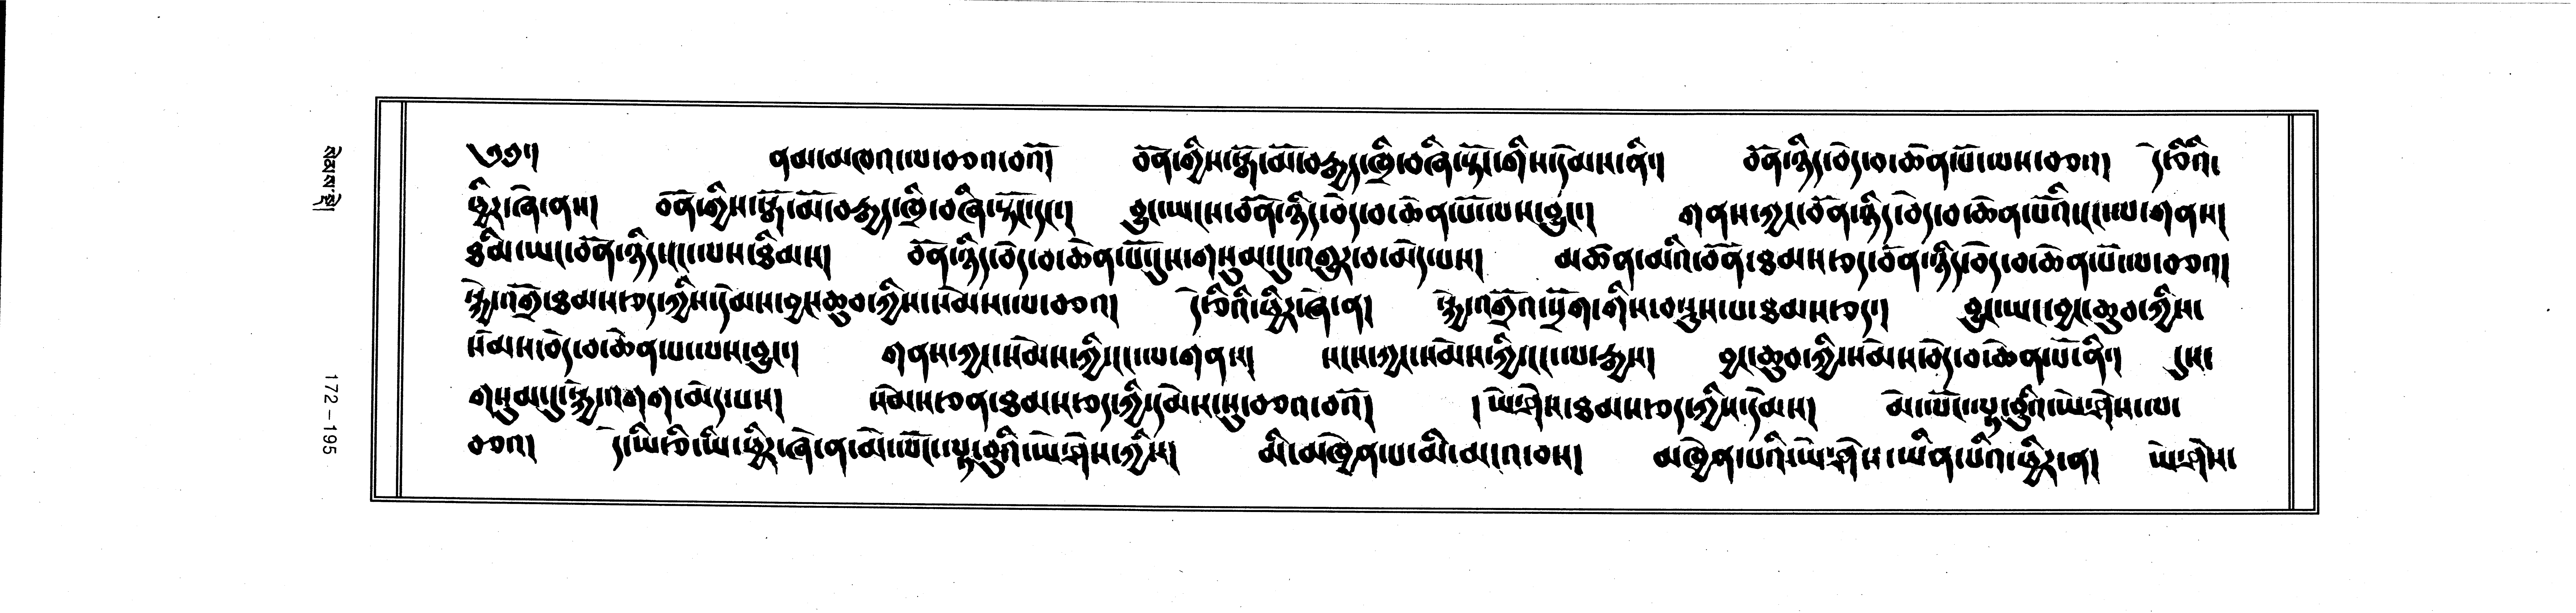ནམ་མཁའ་ལ་བཅའ་བའོ། བོན་གྱིས་སྒོ་མོ་བརྒྱད་ཁྲི་བཞི་སྟོང་གིས་དེམ་ནི། བོན་ཉིད་བདེ་བ་ཆེན་པོ་ལས་བཅའ། དེ་ཅིའི་
ཕྱིར་ཞེ་ནས། བོན་གྱིས་སྒོ་མོ་བརྒྱད་ཁྲི་བཞི་སྟོང་དང་། བྱུང་ཡངས་བོན་ཉིད་བདེ་བ་ཆེན་པོ་ལས་བྱུང་། གནས་ཀྱང་བོན་ཉིད་བདེ་བ་ཆེན་པོའི་ངང་ལ་གནས། 
ཐིམ་ཡང་བོན་ཉིད་ངང་ལས་ཐིམས། བོན་ཉིད་བདེ་བ་ཆེན་པོ་དུས་གསུམ་དུ་འགྱུར་བ་མེད་པས། མཚན་མའི་བོན་ཐམས་ཅད་བོན་ཉིད་བདེ་བ་ཆེན་པོ་ལ་བཅའ། 
སྐྱེ་འགྲོ་ཐམས་ཅད་ཀྱིས་དེམས་བྱང་ཆུབ་ཀྱིས་སེམས་ལ་བཅའ། དེ་ཅིའི་ཕྱིར་ཞེ་ན། སྐྱོ་འགྲོའ་སྲོག་གིས་བསྡུས་པ་ཐམས་ཅད། བྱུང་ཡང་བྱང་ཀྱིས་
སེམས་བདེ་བ་ཆེན་པ་ལས་བྱུང་། གནས་ཀྱང་སེམས་ཀྱི་ངང་ལ་གནས། སངས་ཀྱང་སེམས་ཀྱི་ངང་ལ་རྒྱས། བྱང་ཆུབ་ཀྱི་སེམས་བདེ་བ་ཆེན་པོ་ནི། དུས་
གསུམ་དུ་སྐྱེ་འགག་མེད་པས། སེམས་ཅན་ཐམས་ཅད་ཀྱི་དེམས་སུ་བཅའ་བའོ། ཡེ་ཤེས་ཐམས་ཅད་ཀྱིས་དེམས། མེ་ལོང་ལྟ་བུའི་ཡེ་ཤེས་ལ་
བཅའ། དེ་ཅི་ཡི་ཕྱིར་ཞེ་ན་མེ་ལོང་ལྟ་བུའི་ཡེ་ཤེས་ཀྱིས། མི་མཁྱེན་པ་མི་མངའ་བས། མཁྱེན་པའི་ཡེ་ཤེས་ཡིན་པའི་ཕྱིར་ན། ཡེ་ཤེས་